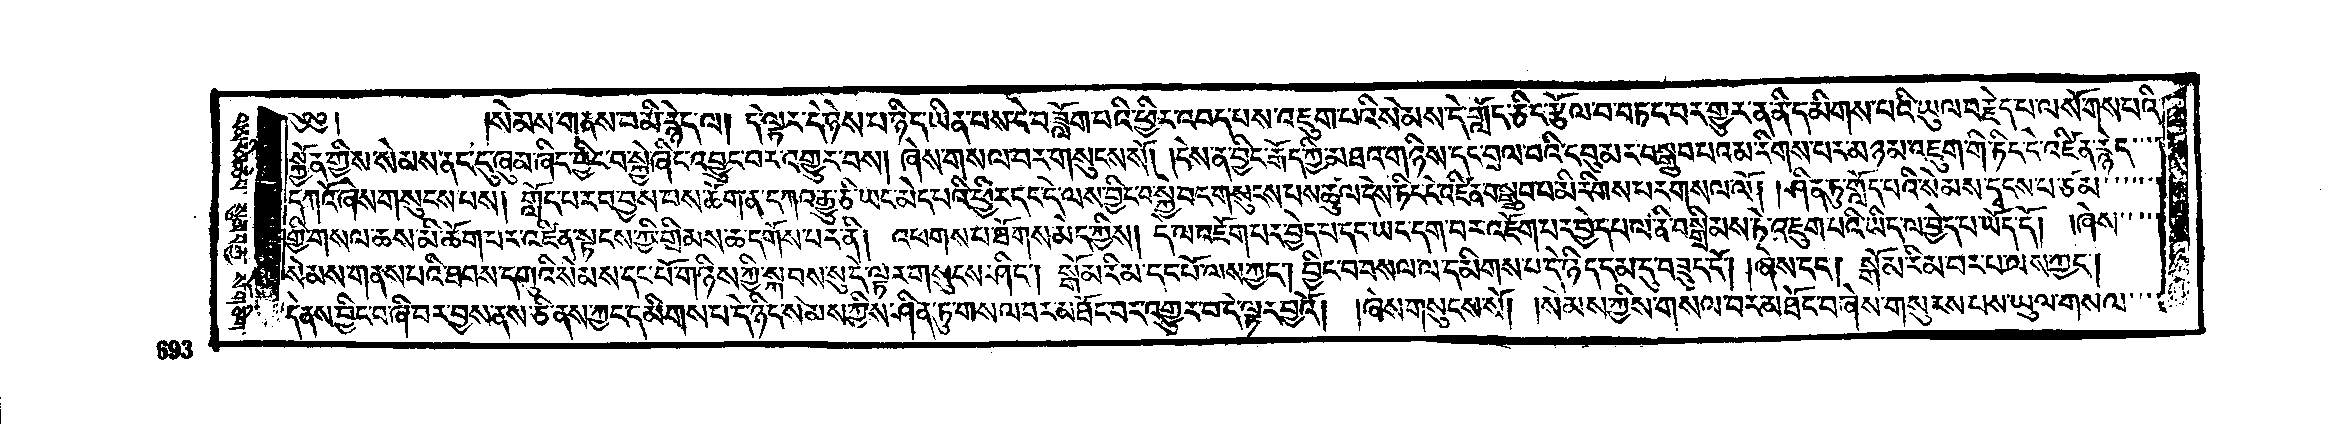༄༅། །སེམས་གནས་པ་མི་རྙེད་ལ། དེ་ལྟར་དེ་ཉེས་པ་ཉིད་ཡིན་པས་དེ་བཟློག་པའི་ཕྱིར་འབད་པས་འཇུག་པའི་སེམས་དེ་གློད་ཅིང་རྩོལ་བ་བཏང་བར་གྱུར་ན་ནི་དམིགས་པའི་ཡུལ་བརྗེད་པ་ལ་སོགས་པའི་
སྐྱོན་གྱིས་སེམས་ནང་དུ་ཞུམ་ཞིང་བྱིང་བ་སྐྱེ་ཞིང་འབྱུང་བར་འགྱུར་བས། ཞེས་གསལ་བར་གསུངས་སོ། །དེས་ན་བྱིང་རྒོད་ཀྱི་མཐའ་གཉིས་དང་བྲལ་བའི་དབུ་མར་བསྒྲུབ་པའམ་རིགས་པར་མཉམ་འཇུག་གི་ཏིང་ངེ་འཛིན་རྙེད་
དཀའོ་ཞེས་གསུངས་པས། གློད་པ་རབ་?་བྱས་པས་ཆོག་ན་དཀའ་རྒྱུ་ཅི་ཡང་མེད་པའི་ཕྱིར་དང་དེ་ལས་བྱིང་བ་སྐྱེ་བར་གསུངས་པས་ཚུལ་དེས་ཏིང་ངེ་འཛིན་བསྒྲུབ་པ་མི་རིགས་པར་གསལ་ལོ། །ཤིན་ཏུ་གློད་པའི་སེམས་དྭངས་པ་ཙམ་
གྱི་གསལ་ཆས་མི་ཆོག་པར་འཛིན་སྟངས་ཀྱི་གྲིམས་ཆ་དགོས་པར་ནི། འཕགས་པ་ཐོགས་མེད་ཀྱིས། དེ་ལ་འཇོག་པར་བྱེད་པ་དང་ཡང་དག་པར་འཇོག་པར་བྱེད་པ་ལ་ནི་བསྒྲིམས་ཏེ་འཇུག་པའི་ཡིད་ལ་བྱེད་པ་ཡོད་དོ། །ཞེས་
སེམས་གནས་པའི་ཐབས་དགུའི་སེམས་དང་པོ་གཉིས་ཀྱི་སྐབས་སུ་དེ་ལྟར་གསུངས་ཤིང་། སྒོམ་རིམ་དང་པོ་ལས་ཀྱང་། བྱིང་བ་བསལ་ལ་དམིགས་པ་དེ་ཉིད་དམ་དུ་བཟུང་ངོ། །ཞེས་དང་། སྒོམ་རིམ་བར་པ་ལས་ཀྱང་།
དེ་ནས་བྱིང་བ་ཞི་བར་བྱས་ནས་ཅི་ནས་ཀྱང་དམིགས་པ་དེ་ཉིད་སེམས་ཀྱིས་ཤིན་ཏུ་གསལ་བར་མཐོང་བར་འགྱུར་བ་དེ་ལྟར་བྱའོ། །ཞེས་གསུངས་སོ། །སེམས་ཀྱིས་གསལ་བར་མཐོང་བ་ཞེས་གསུངས་བས་ཡུལ་གསལ་